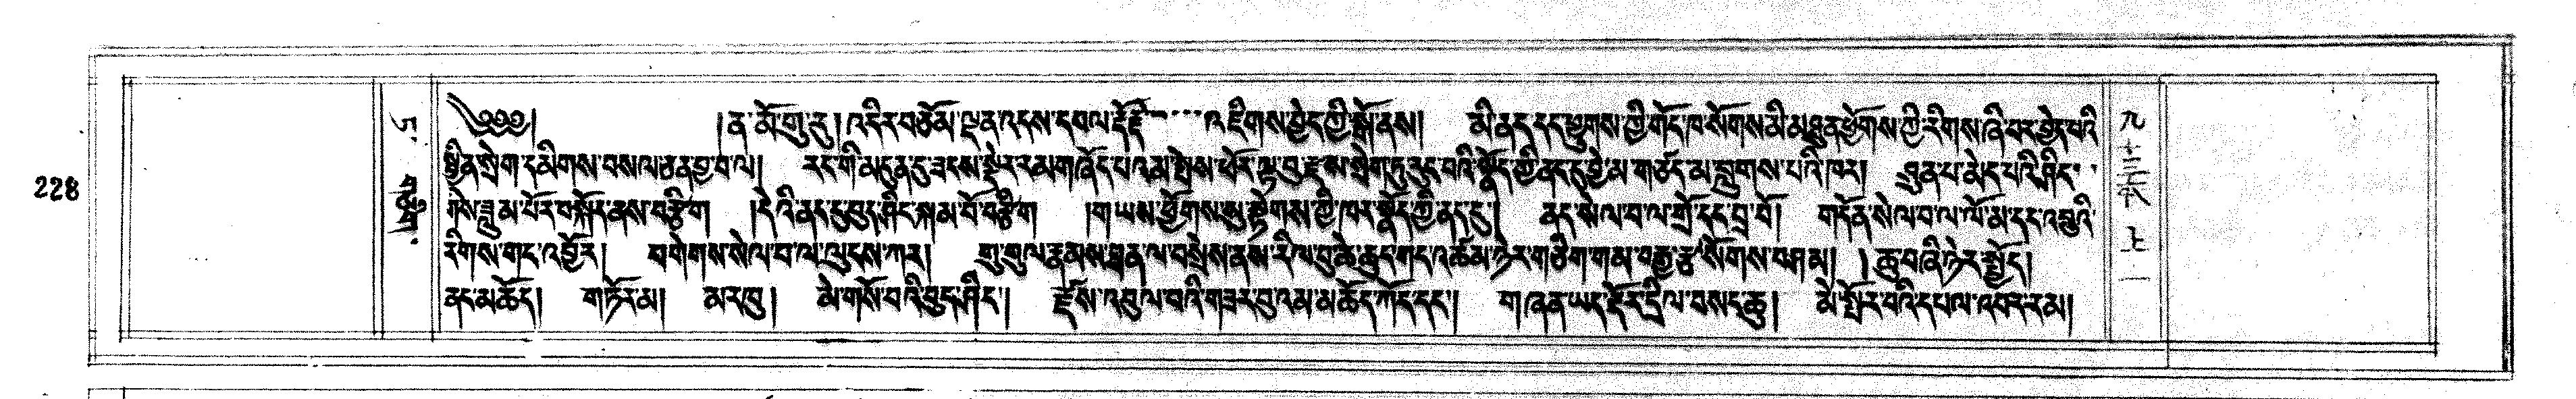༄༅༅། །ན་མོ་གུ་རུ། འདིར་བཅོམ་ལྡན་འདས་དབལ་རྡོ་རྗེ་འཇིགས་བྱེད་ཀྱི་སྒོ་ནས། མི་ནད་དང་ཕྱུགས་ཀྱི་གོང་ཁ་སོགས་མི་མཐུན་ཕྱོགས་ཀྱི་རིགས་ཞི་བར་བྱེད་པའི་
སྦྱིན་སྲེག་དམིགས་བསལ་ཅན་བྱ་བ་ལ། རང་གི་མདུན་དུ་ཟངས་སྡེར་རམ་གཞོད་པའམ་སྤེས་ཕོར་ལྟ་བུ་རྫས་སྲེག་ཏུ་རུང་བའི་སྣོད་ཀྱི་ནང་དུ་བྱེ་མ་གཙང་མ་བླུགས་པའི་ཁར། ཤུན་པ་མེད་པའི་ཤིང་
གིས་ཟླུམ་པོར་བསྐོར་ནས་བརྩིག །དེའི་ནང་དུ་བུད་ཤིང་སྐམ་བོ་བརྩིག །གཡས་ཕྱོགས་སུ་སྟེགས་ཀྱི་ཁར་སྣོད་ཀྱི་ནད་དུ། ནད་སེལ་བ་ལ་གྲོ་དང་བྲ་བོ། གདོན་སེལ་བ་ལ་ལོ་མ་དང་འབྲུའི?
རིགས་གང་འབྱོར། བགེགས་སེལ་བ་ལ་ལུངས་ཀར། གུ་གུལ་རྣམས་བྲན་ལ་བསྲེས་ནས་རིལ་བུ་ཆེ་ཆུང་གང་འཚམ་ཉེར་གཅིག་གམ་བརྒྱ་རྩ་སོགས་བཤམ། །ཆུ་བཞི་ཉེར་སྤྱོད།
ནང་མཆོད། གཏོར་མ། མར་ཁུ། མེ་གསོ་བའི་བུད་ཤིང་། རྫས་འབུལ་བའི་གཟར་བུའམ་མཆོད་ཀོད་དང་། གཞན་ཡང་རྡོར་དྲིལ་བསང་ཆུ། མེ་སྤོར་བའི་དཔལ་འབར་རམ།